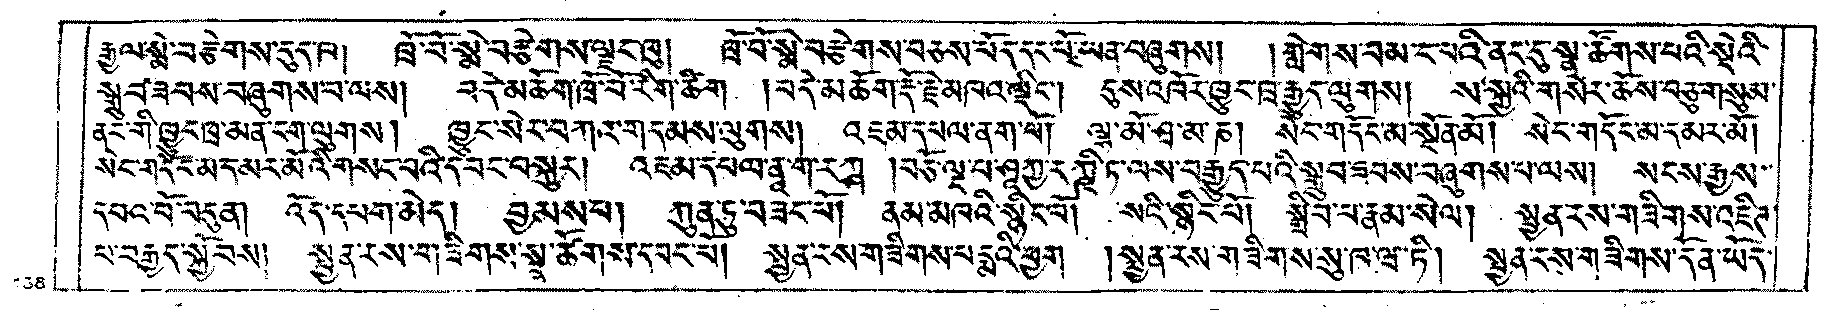རྒྱལ་སྨེ་བརྩེགས་དུད་ཁ། ཁྲོ་བོ་སྨེ་བརྩེགས་ལྗང་ཁུ། ཁྲོ་བོ་སྨེ་བརྩེགས་བཅས་པོད་དང་པོ་ཡན་བཞུགས། །གླེགས་བམ་ང་པའི་ནང་དུ་སྣ་ཚོགས་པའི་སྡེའི་
སྒྲུབ་ཐབས་བཞུགས་པ་ལས། བདེ་མཆོག་ཁྲོ་བོ་རིག་ཚིག །བདེ་མཆོག་རྡོ་རྗེ་མཁའ་ལྡིང་། དུས་འཁོར་ཁྱུང་ཁྲ་རྒྱུད་ལུགས། ས་སྐྱའི་གསེར་ཆོས་བཅུ་གསུམ་
ནང་གི་ཁྱུང་ཁྲ་མན་ངག་ལུགས། ཁྱུང་སེར་བཀའ་གདམས་ལུགས། འཇམ་དཔལ་ནག་པོ། ལྷ་མོ་ཤྲ་མ་ཎ། སེང་གདོང་མ་སྔོན་མོ། སེང་གདོང་མ་དམར་མོ།
སེང་གདོང་མ་དམར་མོའི་གསང་བའི་དབང་བསྐུར། འཇམ་དཔལ་ནཱ་ག་རཀྵ་།བཅོ་ལྔ་པ་ཤཱཀྱ་རཀྵི་ཏ་ལས་བརྒྱུད་པའི་སྒྲུབ་ཐབས་བཞུགས་པ་ལས། སངས་རྒྱས་
དཔའ་བོ་བདུན། འོད་དཔག་མེད། བྱམས་པ། ཀུན་ཏུ་བཟང་པོ། ནམ་མཁའི་སྙིང་པོ། སའི་སྙིང་པོ། སྒྲིབ་པ་རྣམ་སེལ། སྤྱན་རས་གཟིགས་འཇིགས་
པ་བརྒྱད་སྐྱོབས། སྤྱན་རས་གཟིགས་སྣ་ཚོགས་དབང་པོ། སྤྱན་རས་གཟིགས་པདམའི་ཕྱག །སྤྱན་རས་གཟིགས་སུ་ཁ་ཝ་ཏི། སྤྱན་རས་གཟིགས་དོན་ཡོད་